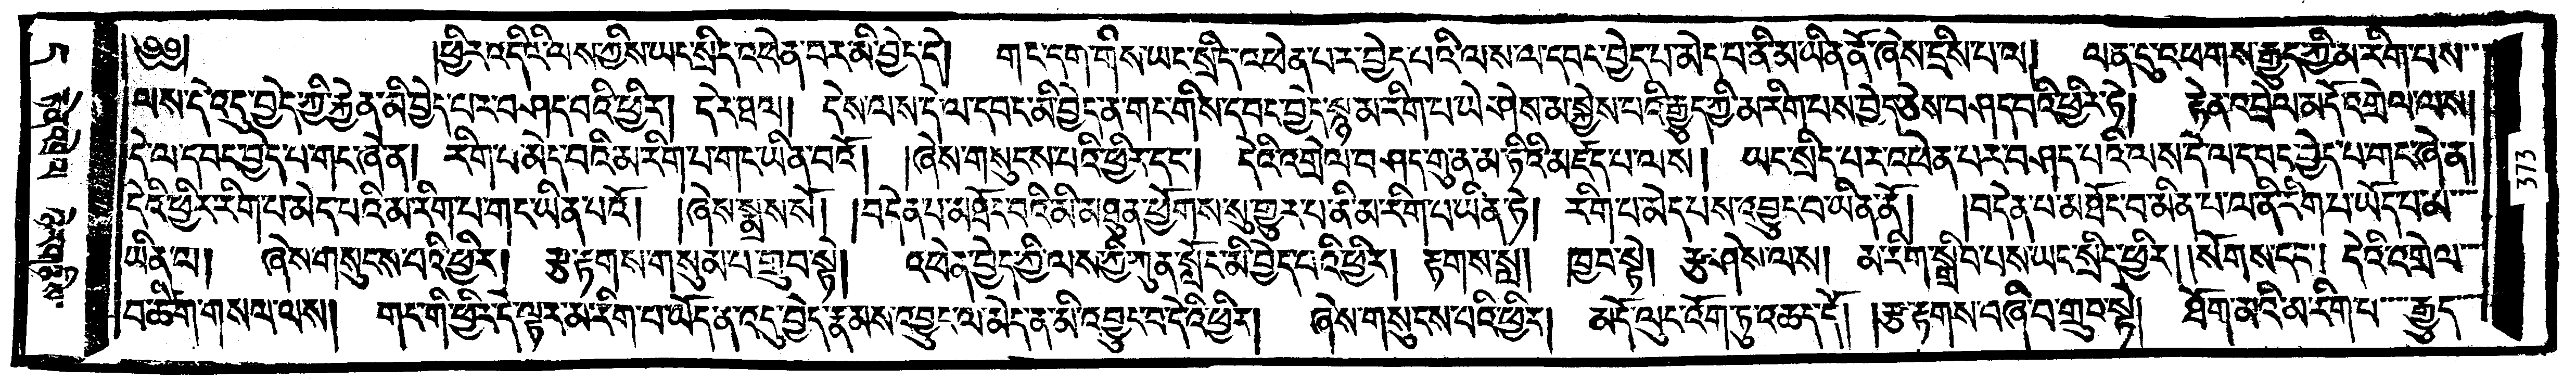༄༅། །ཕྱིར་འདིའི་ལས་ཀྱིས་ཡང་སྲིད་འཕེན་པར་མི་བྱེད་དེ། གང་དག་གིས་ཡང་སྲིད་འཕེན་པར་བྱེད་པའི་ལས་ལ་དབང་བྱེད་པ་མེད་པ་ནི་མ་ཡིན་ནོ་ཞེས་དྲིས་པ་ལ། ལན་དུ་འཕགས་རྒྱུད་ཀྱི་མ་རིག་པས་
ལས་དེ་འདུ་བྱེད་ཀྱི་རྐྱེན་མི་བྱེད་པར་བཤད་པའི་ཕྱིར། དེར་ཐལ། དེས་ལས་དེ་ལ་དབང་མི་བྱེད་ན་གང་གིས་དབང་བྱེད་སྙམ་རིག་པ་ཡེ་ཤེས་མ་སྐྱེས་པའི་རྒྱུད་ཀྱི་མ་རིག་པས་བྱེད་ཅེས་བཤད་པའི་ཕྱིར་ཏེ། རྟེན་འབྲེལ་མདོ་འགྲེལ་ལས།
དེ་ལ་དབང་བྱེད་པ་གང་ཞེ་ན། རིག་པ་མེད་པའི་མ་རིག་པ་གང་ཡིན་པའོ། །ཞེས་གསུངས་པའི་ཕྱིར་དང་། དེའི་འགྲེལ་བཤད་གུ་ན་མ་ཏིའི་མཛད་པ་ལས། ཡང་སྲིད་པར་འཕེན་པར་བཤད་པའི་ལས་དེ་ལ་དབང་བྱེད་པ་གང་ཞེ་ན།
དེའི་ཕྱིར་རིག་པ་མེད་པའི་མ་རིག་པ་གང་ཡིན་པའོ། །ཞེས་སྨྲས་སོ། །བདེན་པ་མཐོང་བའི་མི་མཐུན་ཕྱོགས་སུ་གྱུར་པ་ནི་མ་རིག་པ་ཡིན་ཏེ། རིག་པ་མེད་པས་འབྱུང་བ་ཡིན་ནོ། །བདེན་པ་མཐོང་བ་མིན་པ་ལ་ནི་རིག་པ་ཡོད་པ་མ་
ཡིན་ལ། ཞེས་གསུངས་པའི་ཕྱིར། རྩ་རྟགས་གསུམ་པ་གྲུབ་སྟེ། འཕེན་བྱེད་ཀྱི་ལས་ཀྱི་ཀུན་སློང་མི་བྱེད་པའི་ཕྱིར། རྟགས་སླ། ཁྱབ་སྟེ། རྩ་ཤེས་ལས། མ་རིག་སྒྲིབ་པས་ཡང་སྲིད་ཕྱིར། །སོགས་དང་། དེའི་འགྲེལ་
བ་ཚིག་གསལ་ལས། གང་གི་ཕྱིར་དེ་ལྟར་མ་རིག་པ་ཡོད་ན་འདུ་བྱེད་རྣམས་འབྱུང་ལ་མེད་ན་མི་འབྱུང་བ་དེའི་ཕྱིར། ཞེས་གསུངས་པའི་ཕྱིར། མདོ་ལུང་འོག་ཏུ་འཆད་དོ། །རྩ་རྟགས་བཞི་པ་གྲུབ་སྟེ། ཐོག་མའི་མ་རིག་པ་རྒྱུད་